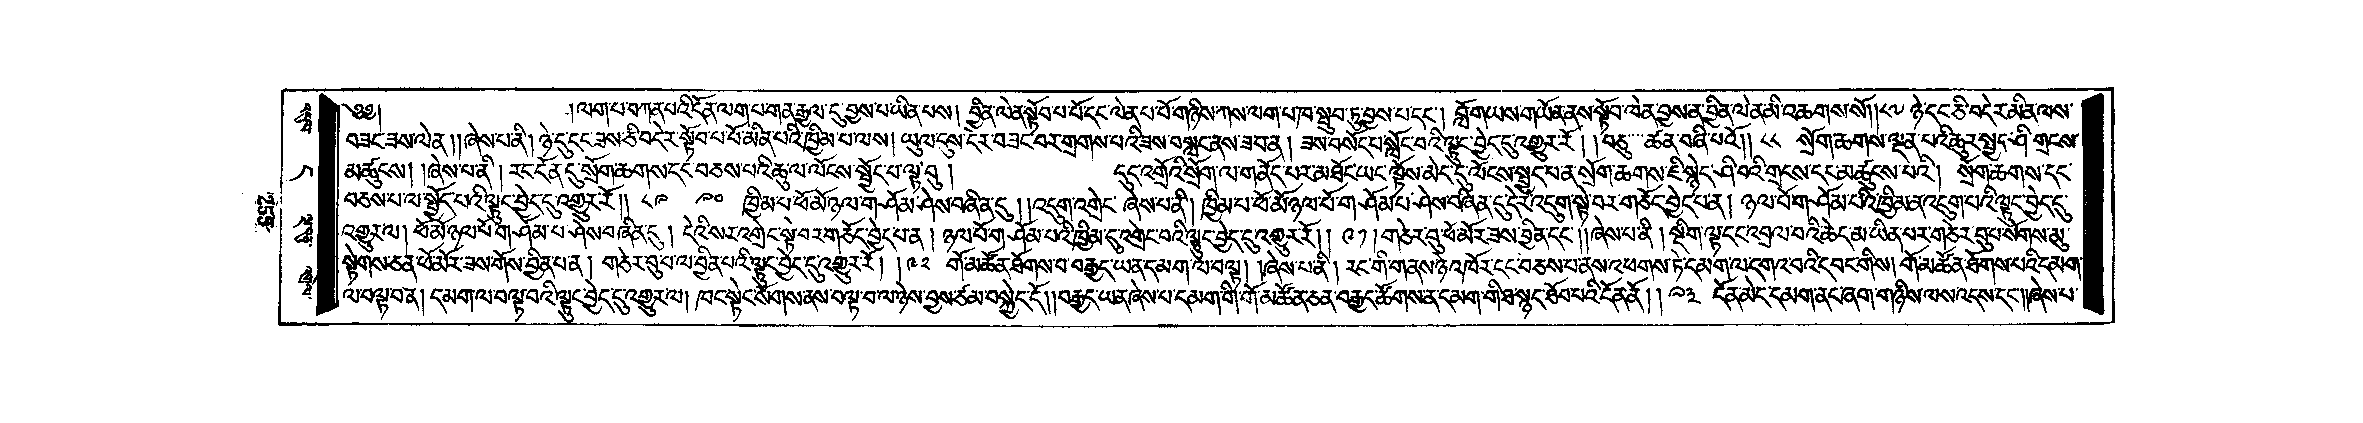༄༅། །ལག་པ་བཀན་པའི་དོན་ལག་པ་གན་རྒྱལ་དུ་བྱས་པ་ཡིན་པས། བྱིན་ལེན་སྟོབ་པ་པོ་དང་ལེན་པ་པོ་གཉིས་ཀས་ལག་པ་ཁ་སྦུབ་ཏུ་བྱས་པ་དང་། བློ་གཡས་གཡོན་ནས་སྟོབ་ལེན་བྱས་ན་བྱིན་ལེན་མི་འཆགས་སོ། །ཉེ་དང་ཅི་བདེར་མིན་ལས་
བཟང་ཟས་ལེན། །ཞེས་པ་ནི། ཉེ་དུ་དང་ཟས་ཅི་བདེར་སྟོབ་པ་པོ་མིན་པའི་ཁྱིམ་པ་ལས། ཡུལ་དུས་དེར་བཟང་བར་གྲགས་པའི་ཟས་བསླང་ནས་ཟ་བ་ན། ཟས་བསོད་པ་སློང་བའི་ལྟུང་བྱེད་དུ་འགྱུར་རོ། །བཅུ་ཚན་བཞི་པའོ། །སྲོག་ཆགས་ལྡན་པའི་ཆུར་སྤྱད་ཤི་གྲངས་
མཚུངས། །ཞེས་པ་ནི། རང་དོན་དུ་སྲོག་ཆགས་དང་བཅས་པའི་ཆུ་ལ་ལོངས་སྤྱོད་པ་ལྟ་བུ། དུད་འགྲོའི་སྲོག་ལ་གནོད་པར་མཐོང་ཡང་ལྟོས་མེད་དུ་ལོངས་སྤྱད་པ་ན་སྲོག་ཆགས་ཇི་སྙེད་ཤི་བའི་གྲངས་དང་མཚུངས་པའི། སྲོག་ཆགས་དང་
བཅས་པ་ལ་སྤྱོད་པའི་ལྟུང་བྱེད་དུ་འགྱུར་རོ། །ཁྱིམ་པ་ཕོ་མོ་ཉལ་གཤོམ་ཤེས་བཞིན་དུ། །འདུག་འགྲེང་ཞེས་པ་ནི། ཁྱིམ་པ་ཕོ་མོ་ཉལ་པོ་གཤོམ་པ་ཤེས་བཞིན་དུ་དེར་འདུག་སྟེ་བར་གཅོད་བྱེད་པ་ན། ཉལ་པོ་གཤོམ་པའི་ཁྱིམ་ན་འདུག་པའི་ལྟུང་བྱེད་དུ་
འགྱུར་ལ། ཕོ་མོ་ཉལ་པོ་གཤོམ་པ་ཤེས་བཞིན་དུ། དེའི་སར་འགྲེང་སྟེ་བར་གཅོད་བྱེད་པ་ན། ཉལ་པོ་གཤོམ་པའི་ཁྱིམ་དུ་འགྲེང་བའི་ལྟུང་བྱེད་དུ་འགྱུར་རོ། །གཅེར་བུ་ཕོ་མོར་ཟས་བྱིན་དང་། །ཞེས་པ་ནི། སྡིག་ལྟ་དང་འབྲལ་བའི་ཆེད་མ་ཡིན་པར་གཅེར་བུ་པ་སོགས་མུ་
སྟེགས་ཅན་ཕོ་མོར་ཟས་གོས་བྱིན་པ་ན། གཅེར་བུ་པ་ལ་བྱིན་པའི་ལྟུང་བྱེད་དུ་འགྱུར་རོ། །གོ་མཚོན་ཐོགས་པ་བརྒྱད་ཡན་དམག་ལ་བལྟ། །ཞེས་པ་ནི། རང་གི་གནས་ཉེ་འཁོར་དང་བཅས་པ་ནས་འཕགས་ཏེ་དམག་ལ་དགའ་བའི་དབང་གིས། གོ་མཚོན་ཐོགས་པའི་དམག་
ལ་བལྟ་བ་ན། དམག་ལ་བལྟ་བའི་ལྟུང་བྱེད་དུ་འགྱུར་ལ། ཁང་སྟེང་སོགས་ནས་བལྟ་བ་ལ་ཉེས་བྱས་ཙམ་བསྐྱེད་དོ། །བརྒྱད་ཡན་ཞེས་པ་དམག་གི་གོ་མཚོན་ཅན་བརྒྱད་ཚོགས་ན་དམག་གི་ཐ་སྙད་ཐོབ་པའི་དོན་ནོ། །དོན་མེད་དམག་ནང་ཞག་གཉིས་ལས་འདས་དང་། །ཞེས་པ་